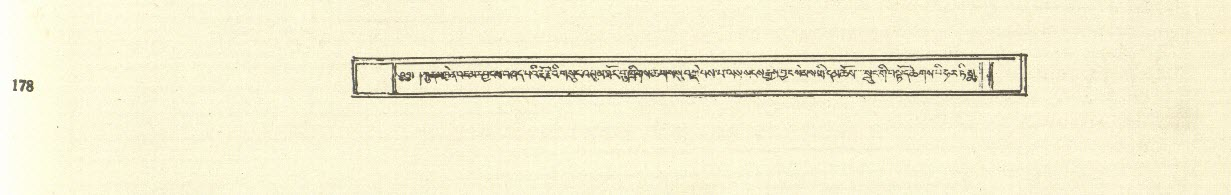༄༅། །ཀུན་མཁྱེན་འཇམ་དབྱངས་བཞད་པའི་རྡོ་རྗེའི་གསུང་འབུམ་ཐོར་བུ་ཁྲིགས་ཆགས་སུ་བསླེབས་པ་ལས་སངས་རྒྱས་བྱང་སེམས་ཡི་དམ་ཆོས་སྲུང་གི་བསྟོད་ཚོགས་བི་ཧ་ར་ཏི་སྨ། །